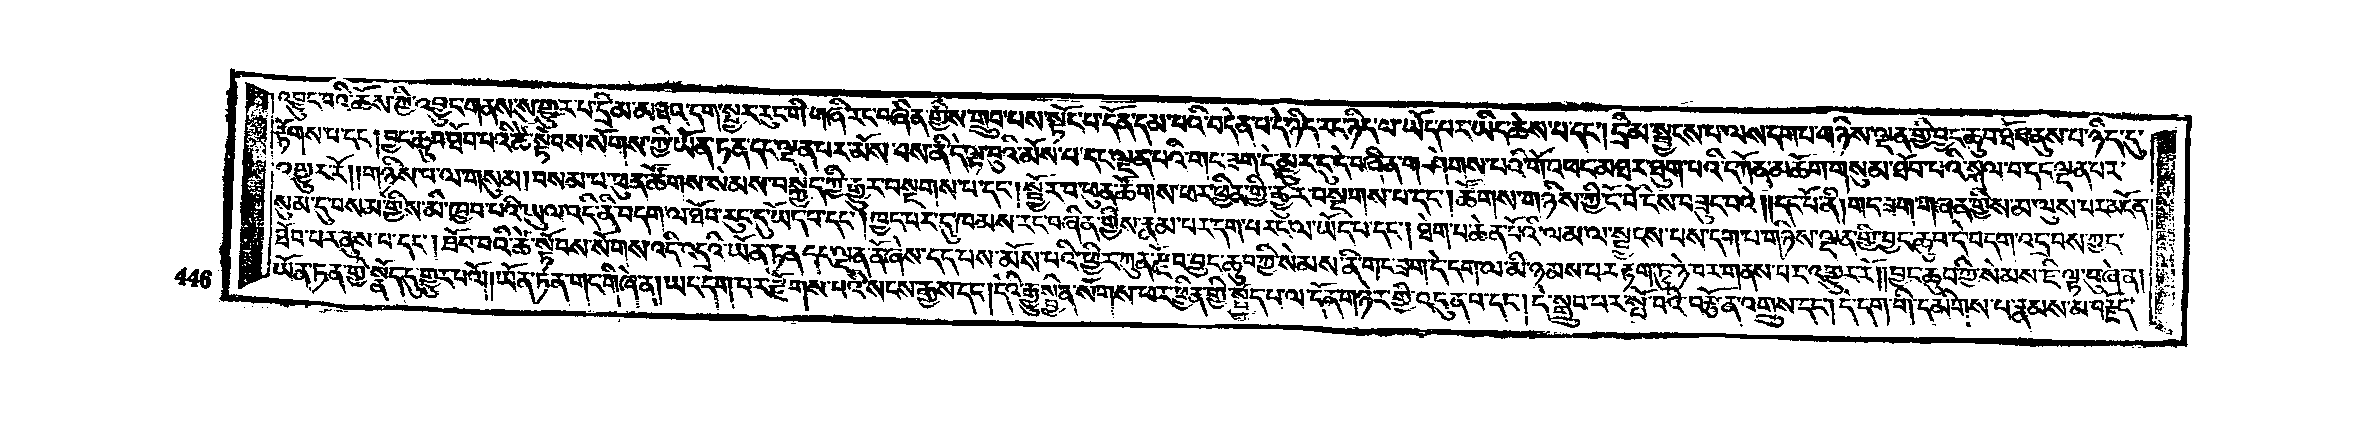འབྱུང་བའི་ཆོས་ཀྱི་འབྱུང་གནས་སུ་གྱུར་པ་དྲི་མ་མཐའ་དག་སྦྱར་རུང་གི་གཞི་རང་བཞིན་གྱིས་གྲུབ་པས་སྟོང་པ་དོན་དམ་པའི་བདེན་པ་དེ་ཉིད་རང་ཉིད་ལ་ཡོད་པར་ཡིད་ཆེས་པ་དང་། དྲི་མ་སྦྱངས་པ་ལས་དག་པ་གཉིས་ལྡན་གྱི་བྱང་ཆུབ་ཐོབ་ནུས་པ་ཉིད་དུ་
རྟོགས་པ་དང་། བྱང་ཆུབ་ཐོབ་པའི་ཚེ་སྟོབས?་སོགས་ཀྱི་ཡོན་ཏན་དང་ལྡན་པར་མོས་པས་ནི་དེ་ལྟ་བུའི་མོས་པ་དང་ལྡན་པའི་གང་ཟག་དེ་མྱུར་དུ་དེ་བཞིན་གཤེགས་པའི་གོ་འཕང་མཐར་ཐུག་པའི་དཀོན་མཆོག་གསུམ་ཐོབ་པའི་སྐལ་བ་དང་ལྡན་པར་
འགྱུར་རོ། །གཉིས་པ་ལ་གསུམ། བསམ་པ་ཕུན་ཚོགས་སེམས་བསྐྱེད་ཀྱི་རྒྱུར་བསྔགས་པ་དང་། སྦྱོར་བ་ཕུན་ཚོགས་ཕར་ཕྱིན་གྱི་རྒྱུར་བསྔགས་པ་དང་། ཚོགས་གཉིས་ཀྱི་ངོ་བོ་ངེས་བཟུང་བའོ། །དང་པོ་ནི། གང་ཟག་གཞན་གྱིས་མ་ལུས་པར་མངོན་
སུམ་དུ་བསམ་གྱིས་མི་ཁྱབ་པའི་ཡུལ་འདི་ནི་བདག་ལ་ཐོབ་རུང་དུ་ཡོད་པ་དང་། ཁྱད་པར་དུ་ཁམས་རང་བཞིན་གྱིས་རྣམ་པར་དག་པ་རང་ལ་ཡོད་པ་དང་། ཐེག་པ་ཆེན་པོའི་ལམ་ལ་སྦྱངས་པས་དག་པ་གཉིས་ལྡན་གྱི་བྱང་ཆུབ་དེ་བདག་འདྲ་བས་ཀྱང་
ཐོབ་པར་ནུས་པ་དང་། ཐོབ་པའི་ཚེ་སྟོབས་སོགས་འདི་འདྲའི་ཡོན་ཏན་དང་ལྡན་ནོ་ཞེས་དད་པས་མོས་པའི་ཕྱིར་ཀུན་རྫོབ་བྱང་ཆུབ་ཀྱི་སེམས་ནི་གང་ཟག་དེ་དག་ལ་མི་ཉམས་པར་རྟག་ཏུ་ཉེ་བར་གནས་པར་འགྱུར་རོ། །བྱང་ཆུབ་ཀྱི་སེམས་ཇི་ལྟར་བུ་ཞེ་ན།
ཡོན་ཏན་གྱི་སྣོད་དུ་གྱུར་པའོ། །ཡོན་ཏན་གང་གི་ཞེ་ན། ཡང་དག་པར་རྫོགས་པའི་སངས་རྒྱས་དང་། དེའི་རྒྱུ་སྦྱིན་སོགས་ཕར་ཕྱིན་གྱི་སྤྱོད་པ་ལ་དོན་གཉེར་གྱི་འདུན་པ་དང་། དེ་སྒྲུབ་པར་སྤོ་བའི་བརྩོན་འགྲུས་དང་། དེ་དག་གི་དམིགས་པ་རྣམས་མ་བརྗོད་